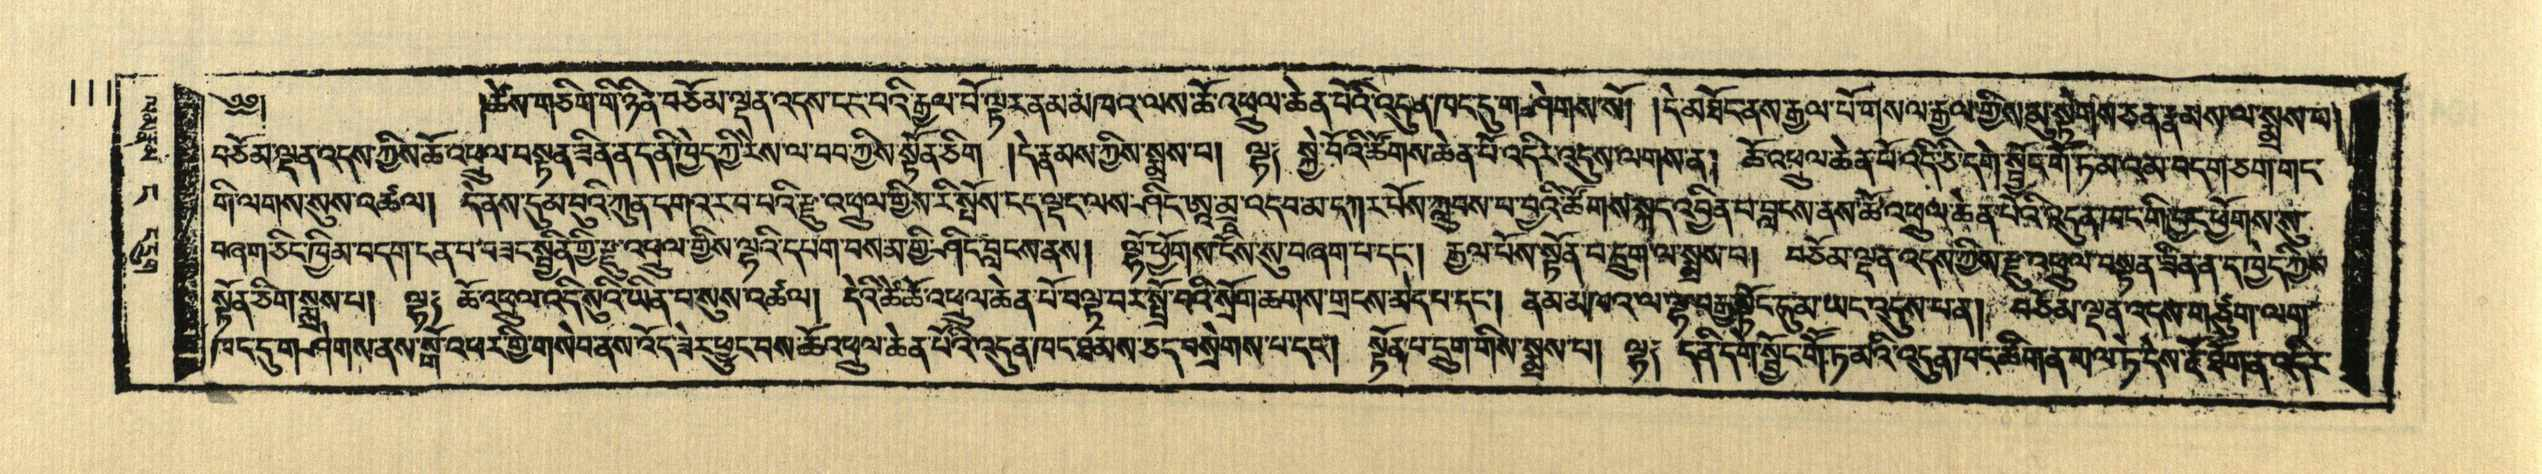༄༅། །ཚེས་གཅིག་གི་ཉིན་བཅོམ་ལྡན་འདས་དང་བའི་རྒྱལ་པོ་ལྟར་ནམ་མཁའ་ལས་ཆོ་འཕྲུལ་ཆེན་པོའི་འདུན་ཁང་དུ་གཤེགས་སོ། །དེ་མཐོང་ནས་རྒྱལ་པོ་གསལ་རྒྱལ་གྱིས་མུ་སྟེགས་ཅན་རྣམས་ལ་སྨྲས་པ།
བཅོམ་ལྡན་འདས་ཀྱིས་ཆོ་འཕྲུལ་བསྟན་ཟིན་ནད་ནི་ཁྱེད་ཀྱི་རེས་ལ་བབ་ཀྱིས་སྟོན་ཅིག །དེ་རྣམས་ཀྱིས་སྨྲས་པ། ལྷ༑ སྐྱེ་བོའི་ཚོགས་ཆེན་པོ་འདིར་འདུས་ལགས་ན། ཆོ་འཕྲུལ་ཆེན་པོ་འདི་ཅི་དགེ་སྦྱོང་གཽ་ཏ་མའམ་བདག་ཅག་གང་
གི་ལགས་སུས་འཚལ། དེ་ནས་དུམ་བུའི་ཀུན་དགའ་རབ་པའི་རྫུ་འཕྲུལ་གྱིས་རི་སྤོས་ངད་ལྡང་ལས་ཤིང་ཨཱ་མྲཱ་འདབ་མ་དཀར་པོས་ཀླུབས་པ་བྱའི་ཚོགས་སྐད་འབྱིན་པ་བླངས་ནས་ཆོ་འཕྲུལ་ཆེན་པོའི་འདུན་ཁང་གི་བྱང་ཕྱོགས་སུ་
བཞག་ཅིང་ཁྱིམ་བདག་ངན་པ་བཟང་སྦྱིན་གྱི་རྫུ་འཕྲུལ་གྱིས་ལྷའི་དཔག་བསམ་གྱི་ཤིང་བླངས་ནས། ལྷོ་ཕྱོགས་ངེས་སུ་བཞག་པ་དང་། རྒྱལ་པོས་སྟོན་པ་དྲུག་ལ་སྨྲས་པ། བཅོམ་ལྡན་འདས་ཀྱིས་རྫུ་འཕྲུལ་བསྟན་ཟིན་ནད་ཁྱེད་ཀྱིས་
སྟོན་ཅིག་སྨྲས་པ། ལྷ༑ ཆོ་འཕྲུལ་འདི་སུའི་ཡིན་པ་སུས་འཚུལ། དེའི་ཚེ་ཆོ་འཕྲུལ་ཆེན་པོ་བལྟ་བར་སྤྲོ་བའི་སྲོག་བའི་སྲོག་ཆགས་གྲངས་མེད་པ་དང་། ནམ་མཁའ་ལ་ལྷ་བརྒྱ་སྟོང་དུ་མ་ཡང་འདུས་པ་ན། བཅོམ་ལྡན་འདས་གཙུག་ལག་
ཁང་དུ་གཤེགས་ནས་སྒོ་འཕར་གྱི་གསེབ་ནས་འོད་ཟེར་ཕྱུང་བས་ཆོ་འཕྲུལ་ཆེན་པོའི་འདུན་ཁང་ཐམས་ཅད་བསྲེགས་པ་དང་། སྟོན་པ་དྲུག་གིས་སྨྲས་པ། ལྷ༑ ད་ནི་དགེ་སྦྱོང་གཽ་ཏ་མའི་འདུན་ཁང་ཚིག་ན་གལ་ཏེ་དེས་རྔོ་ཐོག་ན་འདིར་